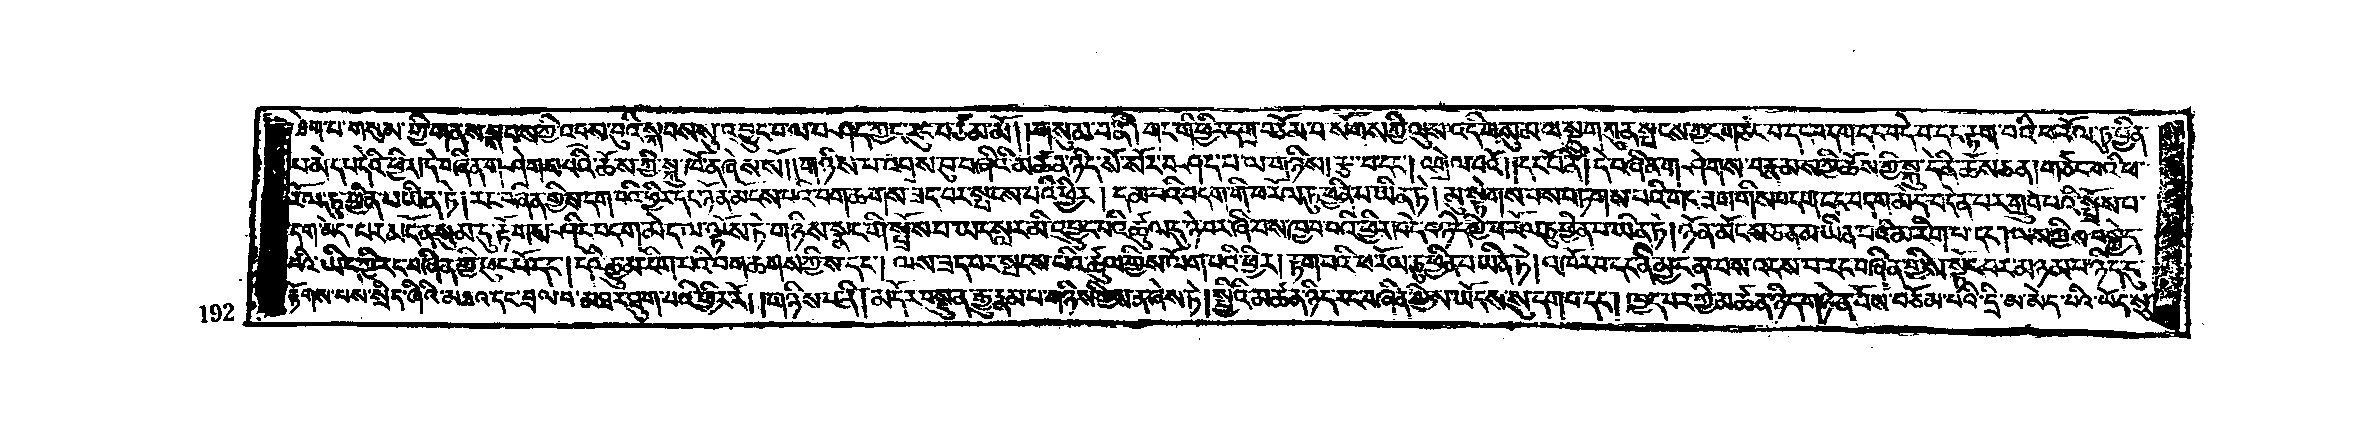ཐེག་པ་གསུམ་གྱི་གནས་སྐབས་ཀྱི་འབྲས་བུའི་སྐབས་སུ་འབྱུང་བ་ལ་བཤད་ཀྱང་རུང་བ་ཙམ་མོ། །གསུམ་པ་ནི། གང་གི་ཕྱིར་དགྲ་བཅོམ་པ་སོགས་ཀྱི་ལུས་འདི་གསུམ་ལ་སྡུག་ཀུན་སྤངས་ཀྱང་གཙང་བ་དང་བདག་དང་བདེ་བ་དང་རྟག་པའི་ཕ་རོལ་ཏུ་ཕྱིན་
པ་མེད་པ་དེའི་ཕྱིར། དེ་བཞིན་གཤེགས་པའི་ཆོས་ཀྱི་སྐུ་ཁོ་ན་ཞེས་སོ། །གཉིས་པ་འབྲས་བུ་བཞིའི་མཚན་ཉིད་སོ་སོར་བཤད་པ་ལ་གཉིས། རྩ་བ་དང་། འགྲེལ་པའོ། །དང་པོ་ནི། དེ་བཞིན་གཤེགས་པ་རྣམས་ཀྱི་ཆོས་ཀྱི་སྐུ་དེ་ནི་ཆོས་ཅན། གཙང་བའི་ཕ་
རོལ་ཏུ་ཕྱིན་པ་ཡིན་ཏེ། རང་བཞིན་གྱིས་དག་པའི་ཕྱིར་དང་ཉོན་མོངས་པའི་བག་ཆགས་ཟད་པར་སྤངས་པའི་ཕྱིར། དམ་པའི་བདག་གི་ཕ་རོལ་ཏུ་ཕྱིན་པ་ཡིན་ཏེ། མུ་སྟེགས་པས་བཏགས་པའི་གང་ཟག་གིས་བདག་དང་བདག་མེད་བདེན་པར་གྲུབ་པའི་སྤྲོས་པ་
དག་མེད་པར་མངོན་སུམ་དུ་རྟོགས་ཤིང་བདག་མེད་ལ་ལྟོས་ཏེ་གཉིས་སྣང་གི་སྤྲོས་པ་ཡང་སླར་མི་འབྱུང་བའི་ཚུལ་དུ་ཉེ་བར་ཞི་བས་ཁྱབ་པའི་ཕྱིར། བདེ་བ་ཉིད་ཀྱི་ཕ་རོལ་ཏུ་ཕྱིན་པ་ཡིན་ཏེ། ཉོན་མོངས་ཅན་མ་ཡིན་པའི་མ་རིག་པ་དང་། ལས་ཀྱིས་བསྐྱེད་
པའི་ཡིད་ཀྱི་རང་བཞིན་གྱི་ཕུང་པོ་དང་། དེའི་རྒྱུ་མ་རིག་པའི་བག་ཆགས་ཀྱི་ས་དང་། ལས་ཟད་པར་སྤངས་པའི་ཚུལ་གྱིས་ལོག་པའི་ཕྱིར། རྟག་པའི་ཕ་རོལ་ཏུ་ཕྱིན་པ་ཡིན་ཏེ། འཁོར་བ་དང་ནི་མྱ་ངན་པས་འདས་པ་རང་བཞིན་གྱིས་སྟོང་པར་མཉམ་པ་ཉིད་དུ་
རྟོགས་པས་སྲིད་ཞིའི་མཐའ་དང་བྲལ་བ་མཐར་ཐུག་པའི་ཕྱིར་རོ། །གཉིས་པ་ནི། མདོར་བསྡུ་ན་རྒྱུ་རྣམ་པ་གཉིས་གྱིས་ན་ཞེས་ཏེ། སྤྱིའི་མཚན་ཉིད་རང་བཞིན་གྱིས་ཡོངས་སུ་དག་པ་དང་། ཁྱད་པར་གྱི་མཚན་ཉིད་གཉེན་པོས་བཅོམ་པའི་དྲི་མ་མེད་པའི་ཡོངས་སུ་